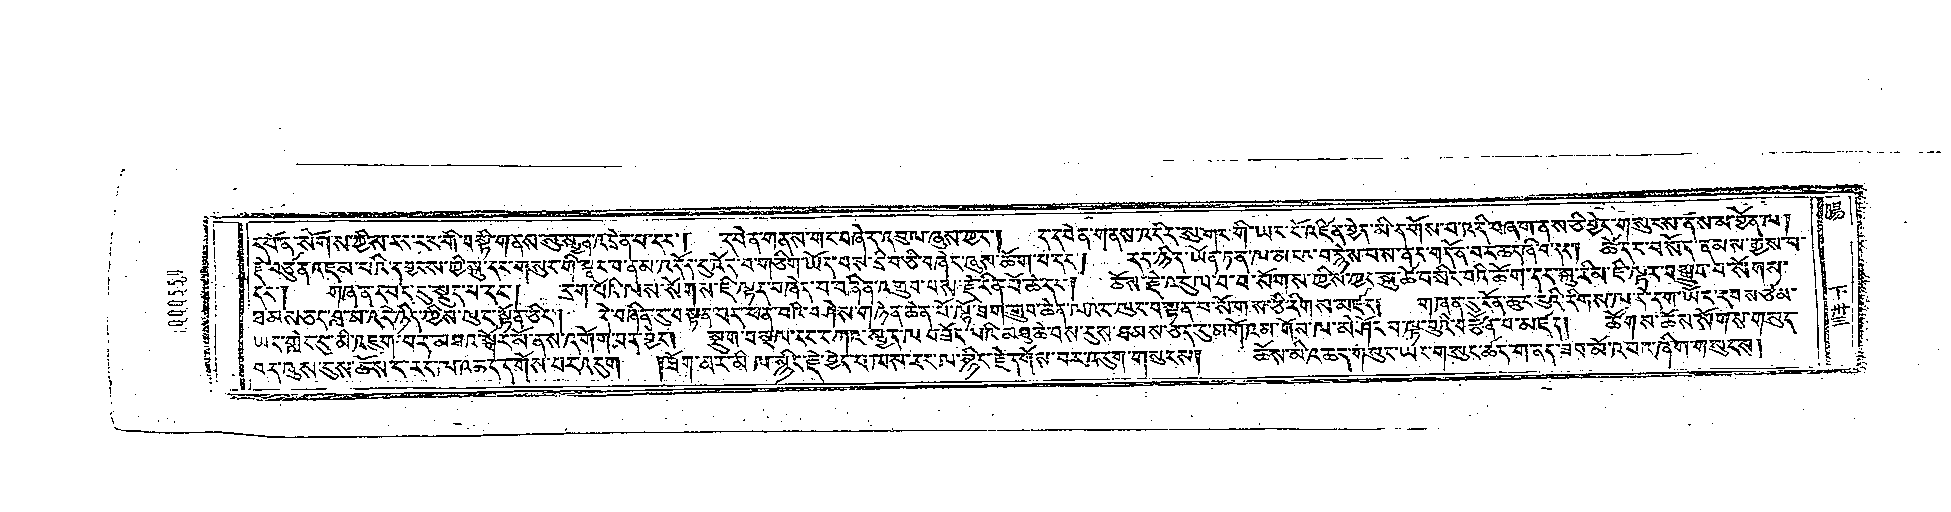དཔོན་སོགས་ཀྱིས་རང་རང་གི་བསྟི་གནས་སུ་སྤྱན་འདྲེན་པ་དང་། དབེན་གནས་གང་བཞེད་འབུལ་ཞུས་ཀྱང་། ད་དབེན་གནས་འདིར་སུ་གང་གི་ཡང་ངོ་འཛིན་བྱེད་མི་དགོས་པ་འདི་བཞག་ནས་ཅི་བྱེད་གསུངས་ནས་མ་བྱོན་ལ།
རྗེ་བཙུན་འཇམ་པའི་དབྱངས་ཀྱི་སྐུ་དང་གསུང་གི་སྣང་བ་ནམ་འདོད་དུ་འོད་བ་གཅིག་ཡོད་པས་དྲི་བ་ཅི་བཞེད་ཞུས་ཆོག་པ་དང་། རང་ཉིད་ཡོན་ཏན་ལ་མངའ་བརྙེས་པས་ནང་གདོན་བར་ཆད་ཞི་བ་དང་། ཚེ་དང་བསོད་ནམས་རྒྱས་པ་
དང་། གཞན་དབང་དུ་སྡུད་པ་དང་། དྲག་པོའི་ལས་སོགས་ཇི་ལྟར་བཞེད་བ་བཞིན་འགྲུབ་པས་རྗེ་རིན་པོ་ཆེ་དང་། ཆོས་རྗེ་འདུལ་བ་བ་སོགས་ཀྱིས་ཀྱང་སྐུ་ཚེ་བསྲིང་བའི་ཆོག་དང་སྐུ་རིམ་ཇི་ལྟར་བསྒྲུབ་པ་སོགས་
ཐམས་ཅད་བླ་མ་འདི་ཉིད་ཀྱིས་ལུང་སྟོན་ཅིང་། དེ་བཞིན་དུ་བསྟན་བར་ཕན་བའི་བཤེས་གཉེན་ཆེན་པོ་ལྷོ་བྲག་གྲུབ་ཆེན་ལའང་ལུང་བསྟན་པ་སོགས་ཅི་རིགས་མཛད། གཞན་དུ་དོན་ཆུང་དུའི་རིགས་ལ་དེ་དག་ཡོང་རབས་ཙམ་
ཡང་གླེང་དུ་མི་འཇུག་བར་མཐའ་སྒོར་མོ་ནས་འགོག་པར་བྱེད། སྡུག་བསྔལ་དང་དཀའ་སྤྱད་ལ་བཟོད་པའི་མཐུ་ཆེ་བས་དུས་ཐམས་ཅད་དུ་མགོའམ་གོས་ལ་མེ་ཤོར་བ་ལྟ་བུའི་བརྩོན་པ་མཛད། ཚོགས་ཆོས་སོགས་གསུང་
བར་ཞུས་དུས་ཆོས་ང་རང་ལ་འཆང་དགོས་པར་འདུག། ཐོག་མར་མི་ལ་སྙིང་རྗེ་བྱེད་བ་ལས་རང་ལ་སྙིང་རྗེ་དགོས་པར་འདུག་གསུངས། ཆོས་མི་འཆད་གསུང་ཡང་གསུང་ཆར་གནད་ཟབ་མོ་འབའ་ཞིག་གསུངས།